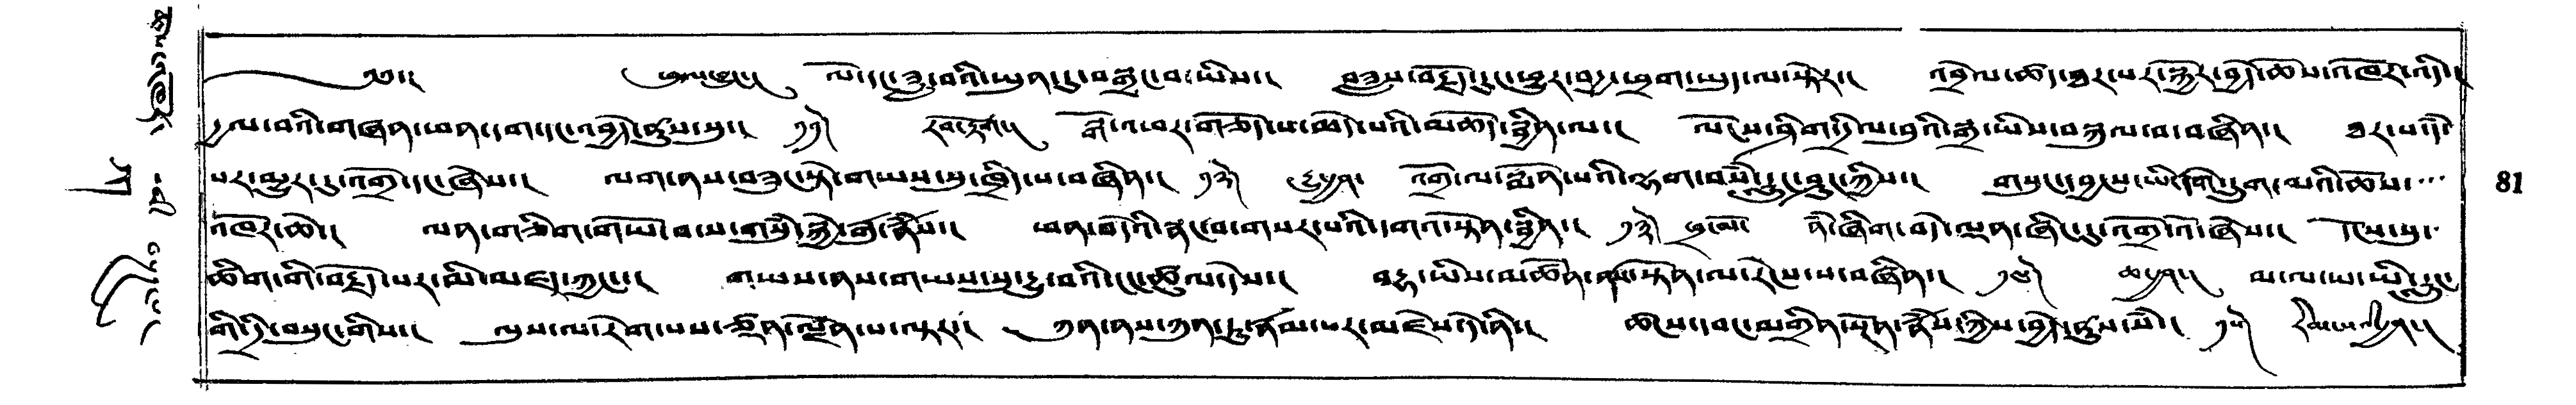༡༠༽ ཕུལ་བྱུང་། ལོ་དང་ཟླ་བའི་ཡུན་དུ་བགྲང་བ་ཡིས། །བཟླས་བརྗོད་དུང་ཕྱུར་བརྒྱ་ཕྲག་ཡུད་ལ་སྟེར། །འབྲེལ་ཚད་ཐར་པ་སྦྱོར་བྱེད་ཆོས་འཁོར་འདི། །
རྒྱལ་བའི་གཞན་ཕན་དག་དང་འབྱེད་ནུས་སུ། ། ༡༡༽ རབ་རྟོག སྒོ་འཕར་གཅོད་པ་མེད་པའི་མཆོད་སྦྱིན་ལ། །ལོངས་ཞེས་དྲིལ་བུའི་སྒྲ་ཡིས་བསྐུལ་བ་བཞིན། །ཐར་པ་དམ་
པར་མྱུར་དུ་འགྲོ་དང་ཞེས། །ལག་ནས་བཟུང་སྟེ་གཡས་སུ་ཁྲིད་པ་བཞིན། ། ༡༢༽ རྒྱུ་རྒྱན། འགྲོ་ལ་སྨན་པའི་ལྷག་བསམ་རླུང་ཤུགས་ཀྱིས། །གསུང་དབྱངས་ཡི་གེ་དྲུག་མའི་ཆོས་
འཁོར་ཆེ། །ལན་གཅིག་གཡོས་པས་ས་གསུམ་སྐྱེ་རྒུ་ལ། །ཕན་བདེའི་སྣང་བ་གསར་པའི་དགའ་སྟོན་སྦྱིན། ༡༣༽། ཕྲ་མོ། ནམ་ཞིག་བདེ་ལྡན་ཞིང་དུ་འགྲོ་འོ་ཞེས། །དངོས་སུ་
ཚིག་གིས་བརྗོད་པར་མི་མཛད་ཀྱང་། །གཡས་ནས་གཡས་སུ་རྒྱུ་བའི་ངང་ཚུལ་དེས། །བརྡ་ཡིས་མཚོན་ནས་སྟོན་ལ་རིངས་པ་བཞིན། ། ༡༤༽ ཆ་རྒྱན། མ་ལ་ཡ་ཡི་རླུང་
གི་དྲི་བསུང་གིས། །ལུས་ལ་རེག་པས་ཙནྡན་ལྗོན་པ་ལྟར། །ཀུན་ནས་ཀུན་ཏུ་རྣམ་པར་མཛེས་དེ་ནི། །ཚངས་དབང་མགྲིན་སྔོན་རྣམས་ཀྱིས་བྱེད་ནུས་སམ། ། ༡༥༽ རིམ་པའི་རྒྱན།